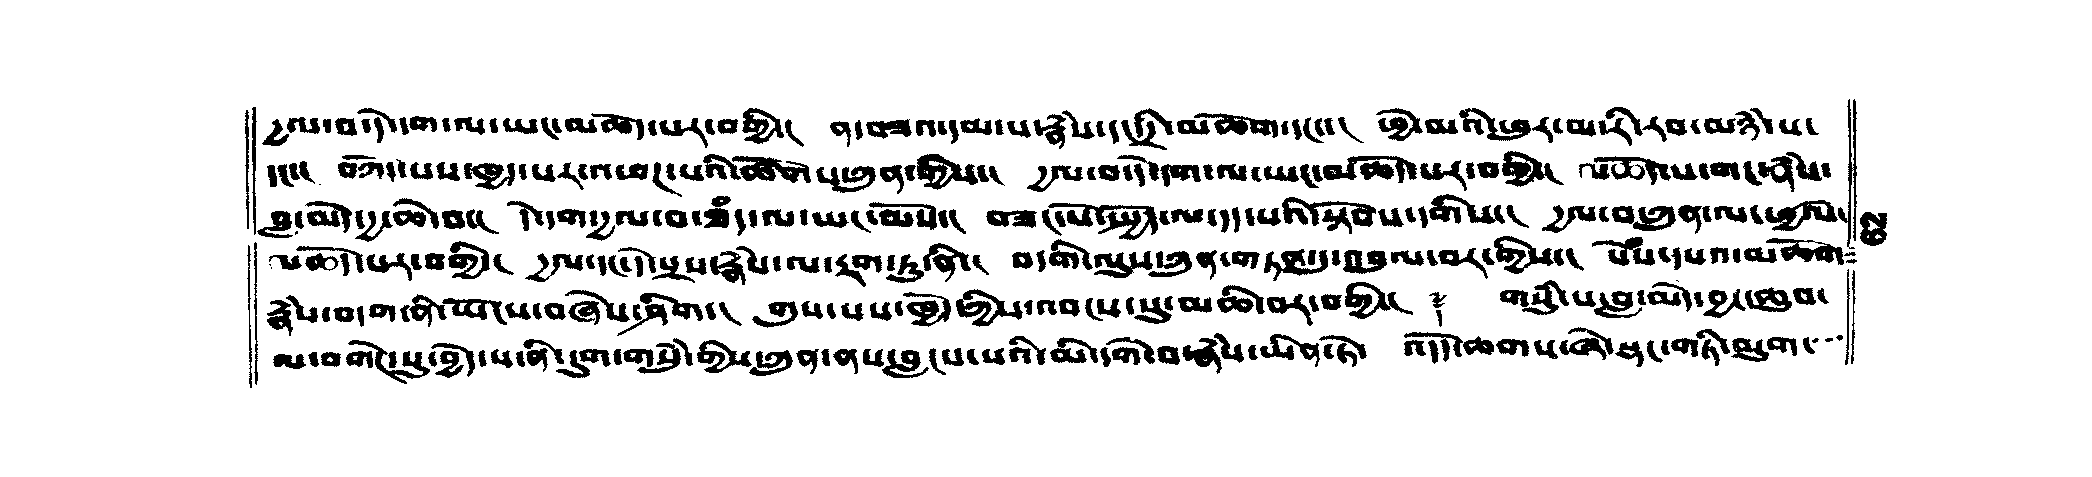རྒྱལ་བ་དེ་དག་ལ་ཡང་མཆོད་པར་བགྱི། ན་བཟའ་དམ་པ་རྣམས་དང་དྲི་མཆོག་དང་། ཕྱེ་མའི་ཕུར་མ་རི་རབ་མཉམ་པ་
དང་། བཀོད་པས་ཁྱད་པར་འཕགས་པའི་ཚོགས་ཀུན་གྱིས། རྒྱལ་བད་དེ་དག་ལ་ཡང་མཆོད་པར་བགྱི། མཆོད་པ་གང་རྣམས་
བླ་མེད་རྒྱ་ཆེ་བ། དེ་དག་རྒྱལ་བ་ཐམས་ཅད་ལ་ཡང་མོས། བཟང་པོ་སྤྱོད་ལ་དད་པའི་སྟོབ་དག་གིས། རྒྱལ་བ་ཀུན་ལ་ཕྱག་འཚལ་
མཆོད་པར་བགྱི། རྒྱལ་དང་དེ་སྲས་རྣམས་ལ་རྟག་ཏུ་ནི། བདག་གི་ལུས་ཀུན་གཏན་དུ་འབུལ་བར་གྱིས། སེམས་དཔའ་མཆོག་
རྣམས་བདག་ནི་ཡོངས་བཞེས་ཤིག གུས་པར་ཁྱོད་ཀྱིས་འབངས་སུ་མཆི་བར་བགྱི། ༈ གསུམ་པ་བླ་མའི་བྱང་ཆུབ་
ལ་བགེགས་སུ་བྱེད་པ་ནི་དུག་གསུམ་གྱིས་ཀུན་ནས་བླངས་པའི་མི་དགེ་བ་རྣམས་ཡིན་ཏེ།འདོད་ཆགས་ཞེ་སྡང་གཏི་མུག་